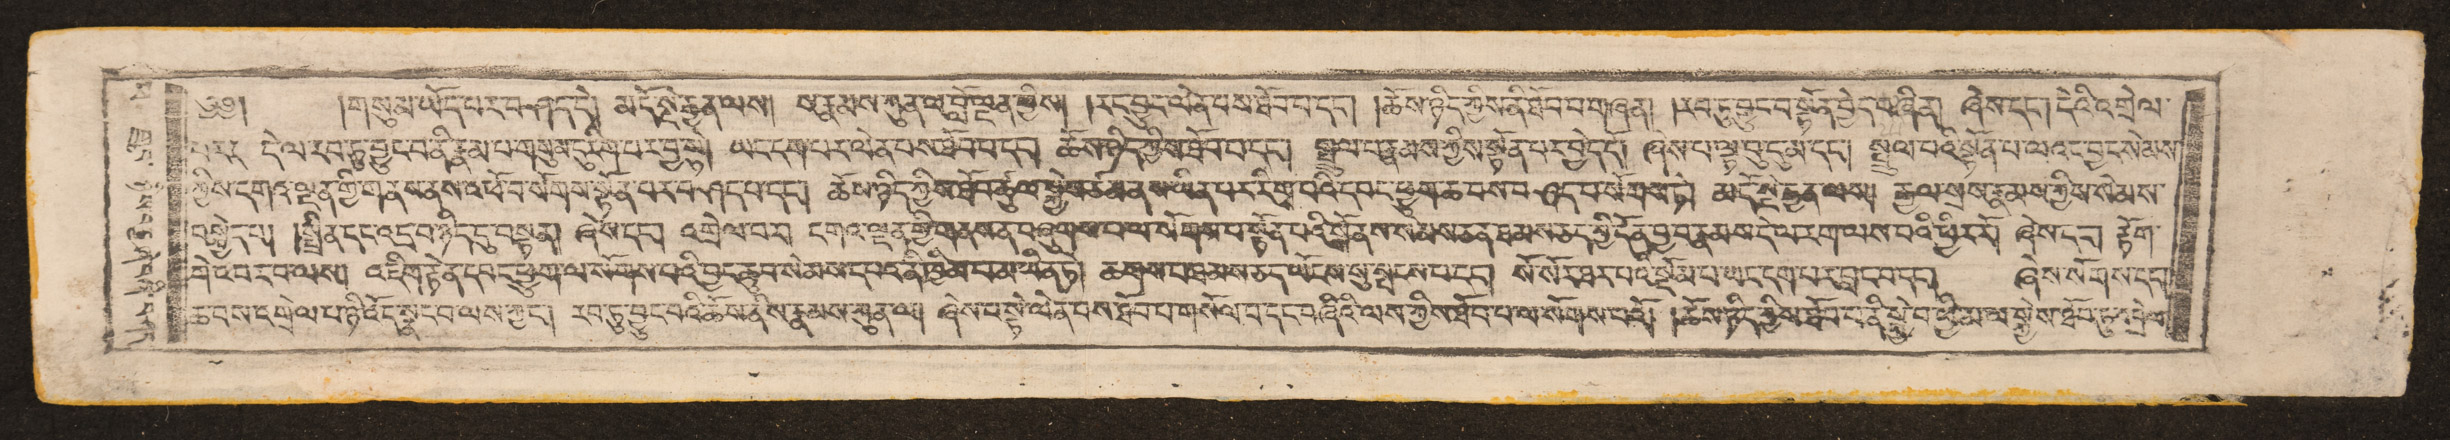༄༅། །གསུམ་ཡོད་པར་བཤད་དེ། མདོ་སྡེ་རྒྱན་ལས། ས་རྣམས་ཀུན་ལ་བློ་ལྡན་གྱིས། །རང་བྱུང་ལེན་པས་ཐོབ་པ་དང་། །ཆོས་ཉིད་ཀྱིས་ནི་ཐོབ་པ་གཞན། །རབ་ཏུ་བྱུང་བ་སྟོན་བྱེད་བཞིན། ཞེས་དང་། དེའི་འགྲེལ་
བར༑ དེ་ལ་རབ་ཏུ་བྱུང་བ་ནི་རྣམ་པ་གསུམ་དུ་རིག་པར་བྱ་སྟེ། ཡང་དག་པར་ལེན་པས་ཐོབ་པ་དང་། ཆོས་ཉིད་ཀྱིས་ཐོབ་པ་དང་། སྤྲུལ་པ་རྣམས་ཀྱིས་སྟོན་པར་བྱེད་དོ། ཞེས་པ་ལྟ་བུ་དུ་མ་དང་། སྤྲུལ་པའི་སྟོན་པ་ལའང་བྱང་སེམས་
ཀྱིས་དགའ་ལྡན་གྱི་གནས་ནས་འཕོ་བ་སོགས་སྟོན་པར་བཤད་པ་དང་། ཆོས་ཉིད་ཀྱིས་ཐོབ་ཚུལ་སྐྱེས་ཙམ་ནས་ཡིན་པར་རིགས་པའི་དབང་ཕྱུག་ཆབས་བཤད་པ་སོགས་ཏེ། མདོ་སྡེ་རྒྱན་ལས། རྒྱལ་སྲས་རྣམས་ཀྱིས་སེམས་
བསྐྱེད་པ། །སྤྲིན་དང་འདྲ་བ་ཉིད་དུ་བསྟན། ཞེས་དང་། འགྲེལ་བར། དགའ་ལྡན་གྱི་གནས་ན་བཞུགས་པ་ལ་སོགས་བསྟོན་པའི་སྒོ་ནས་སེམས་ཅན་ཐམས་ཅད་གྱི་དོན་བྱ་བ་རྣམས་དེ་ལ་རག་ལས་པའི་ཕྱིར་རོ། ཞེས་དང་། རྟོག་
གེ་འབད་བ་ལས། འཇིག་རྟེན་དབང་ཕྱུག་ལ་སོགས་པའི་བྱང་ཆུབ་སེམས་དཔའ་ནི་ཁྱིམ་པ་མ་ཡིན་ཏེ། ཆགས་པ་ཐམས་ཅད་ཡོངས་སུ་སྤངས་པ་དང་། སོ་སོར་ཐར་པའི་སྡོམ་པ་ཡང་དག་པར་བླང་བ་དང་། ཞེས་སོགས་དང་།
ཆབས་འབྲེལ་པ་ཉི་འོད་སྣང་བ་ལས་ཀྱང་། རབ་ཏུ་བྱུང་བའི་ཆོས་ནིས་རྣམས་ཀུན་ལ། ཞེས་པ་སྟེ་ལེན་པས་ཐོབ་པ་གསོལ་བ་དང་བཞིའི་ལས་ཀྱིས་ཐོབ་པ་ལ་སོགས་པའོ། །ཆོས་ཉིད་ཀྱིས་ཐོབ་པ་ནི་སྐྱེ་བ་ཕྱི་མ་ལ་སྐྱེས་ཐོབ་ཏུ་འགྲེའ་